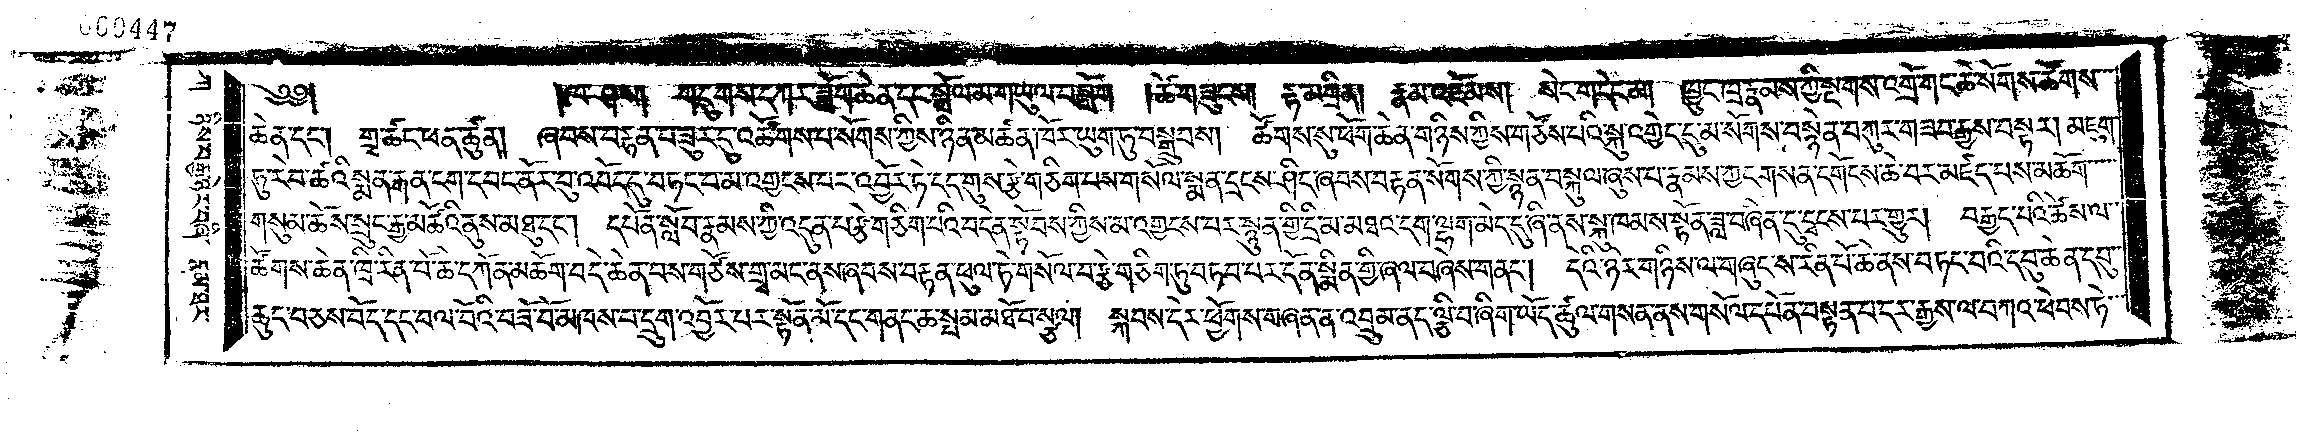༄༅། །ཁ་ཤས། གདུགས་དཀར་ཟློག་ཆེན་དང་སྲོལ་མ་གཡུལ་བཟློག །ཚེ་གཟུངས། རྟ་མགྲིན། རྣམ་འཇོམས། སེང་གདེང་མ། ཁྱུང་ཁྲ་རྣམས་ཀྱི་སྔགས་འགྲོ་གང་ཆེ་སོགས་ཚོགས་
ཆེན་དང་། གྲྭ་ཚང་ཕན་ཚུན། ཞབས་བརྟན་པ་ཟུར་དུ་འཚོགས་པ་སོགས་ཀྱིས་ཉིན་མཚན་ཁོར་ཡུག་ཏུ་བསྒྲུབས། ཚོགས་སུ་ཕོག་ཆེན་གཉིས་ཀྱིས་གཙོས་པའི་སྐུ་འགྱོད་དུ་མ་སོགས་བསྙེན་བཀུར་གཟབ་རྒྱས་བསྟར། མཇུག་
ཏུ་རེབ་ཚའི་སྨན་རྒན་ངག་དབང་ནོར་བུ་འབོད་དུ་བཏང་བ་མ་འགྱངས་པར་འབྱོར་ཏེ་དད་གུས་རྩེ་གཅིག་པས་གསོལ་སྨན་དྲངས་ཤིང་ཞབས་བརྟན་སོགས་ཀྱི་སྙན་བསྐུལ་ཞུས་པ་རྣམས་ཀྱང་གསན་དགོངས་ཆེ་བར་མཛད་པས་མཆོག་
གསུམ་ཆོས་སྲུང་རྒྱ་མཚོའི་ནུས་མཐུ་དང་། དཔོན་སློབ་རྣམས་ཀྱི་འདུན་པ་རྩེ་གཅིག་པའི་བདེན་སྟོབས་ཀྱིས་མ་འགྱངས་པར་སྙུན་གྱི་དྲི་མ་མཐའ་དག་ལྷག་མེད་དུ་ཞི་ནས་སྐུ་ཁམས་སྟོན་ཟླ་བཞིན་དུ་དྭངས་པར་གྱུར། བརྒྱད་པའི་ཚེས་ལ་
ཚོགས་ཆེན་ཁྲི་རིན་པོ་ཆེ་དཀོན་མཆོག་བདེ་ཆེན་པས་གཙོས་གྲྭ་མང་ནས་ཞབས་བརྟན་ཕུལ་ཏེ་གསོལ་བརྩེ་གཅིག་ཏུ་བཏབ་པར་དོན་སྨིན་གྱི་ཞལ་བཞེས་གནང་། དེའི་ཉེར་གཉིས་ལ་གཞུང་ས་རིན་པོ་ཆེ་ནས་བཏང་བའི་དབུ་ཆེན་དབུ་
ཆུང་བཅས་བོད་དང་བལ་བོའི་བཟོ་བོ་མཁས་པ་དྲུག་འབྱོར་པར་སྟོན་མོ་དང་གནང་ཆ་སྤམ་མཐོ་བ་སྩལ། སྐབས་དེར་ཕྱོགས་གཞན་ན་འབྲུམ་ནད་ལྕི་བ་ཞིག་ཡོད་ཚུལ་གསན་ནས་གསོལ་དཔོན་བསྟན་པ་དར་རྒྱས་ལ་བཀའ་ཕེབས་ཏེ་